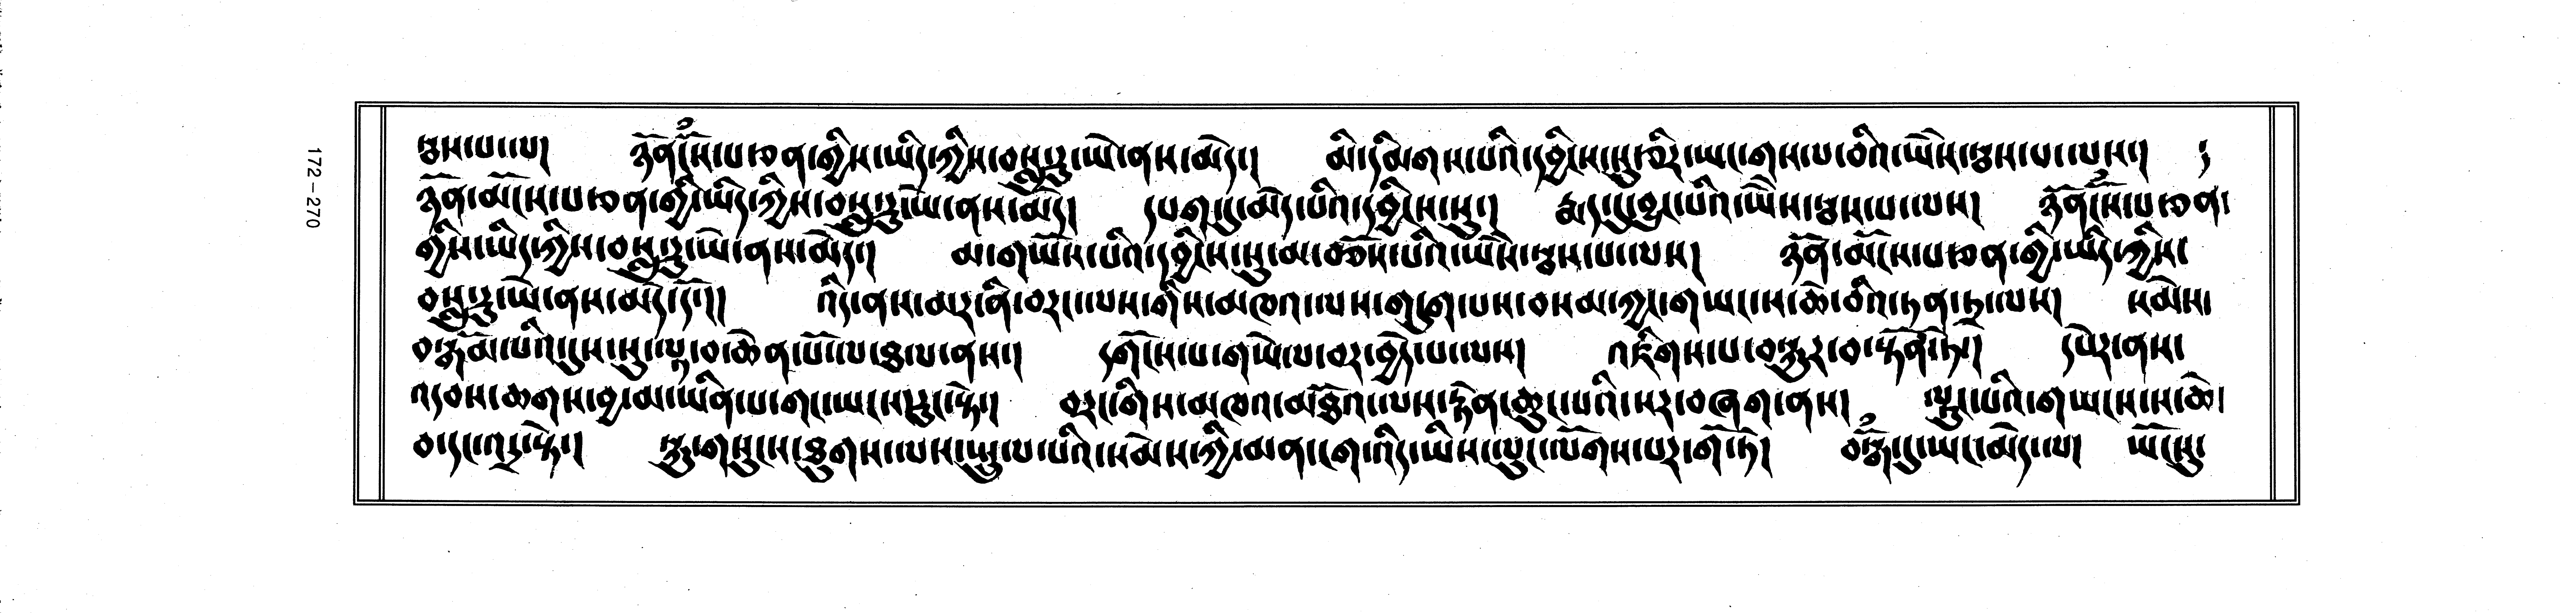སྦས་པ་ལ། ཉོན་མོངས་པ་ཅན་གྱིས་ཡིད་ཀྱིས་བསླུ་རུ་ཡེ་ནས་མེད། མི་དམིགས་པའི་དབྱིངས་སུ་ཅིར་ཡང་གསལ་བའི་ཡེ་ཤེས་སྦས་པ་ལས། 
ཉོན་མོངས་པ་ཅན་གྱི་ཡིད་ཀྱིས་བསླུ་རུ་ཡེ་ནས་མེད། དཔག་ཏུ་མེད་པའི་དབྱིངས་སུ། རྨད་དུ་བྱུང་པའི་ཡེ་ཤེས་སྦས་པ་ལས། ཉོན་མོངས་པ་ཅན་
གྱིས་ཡིད་ཀྱིས་བསླུ་རུ་ཡེ་ནས་མེད། མ་གཡོས་པའི་དབྱིངས་སུ་མ་བཅོས་པའི་ཡེ་ཤེས་སྦས་པ་ལས། ཉོན་མོངས་པ་ཅན་གྱི་ཡིད་ཀྱིས་
བསླུ་རུ་ཡེ་ནས་མེད་དོ། འདི་ནི་མར་ནི་བར་སྣང་ལས་གིས་མཁའ་ལས་གདུག་པས་བསམ་ཀྱང་གཡང་ས་ཆེ་བའི་ཏན་ཏྲ་ལས། སེམས་
བསྒོམ་པའི་དུས་སུ་ལྟ་བ་ཆེན་པོ་ལ་ཐལ་ནས། དགོངས་པ་གཡེལ་བར་བྱེད་པ་ལས། འཇིགས་པ་བསྐུར་བ་སྟོན་ཏེ། དཔེར་ནས་
འདབ་ཆགས་བྱ་མ་ཡིན་པ་གང་ཡང་རུང་སྟེ། བར་སྣང་གིས་མཁའ་མཐོའ་ལས་རྟེན་ཆུང་པའི་སར་བཞག་ནས། ལྟུང་པའི་གཡང་ས་ཆེ་
བ་དང་འདྲ་སྟེ། སྐུ་གསུང་ཐུགས་ལས་སྤྲུལ་པའི་སེམས་ཀྱི་མན་ངག་འདི་ཡིས་ལུང་ལོག་པར་གོ་ཏེ། བསྒོམ་དུ་ཡང་མེད་ལ། ཡེངས་སུ་ཡང་